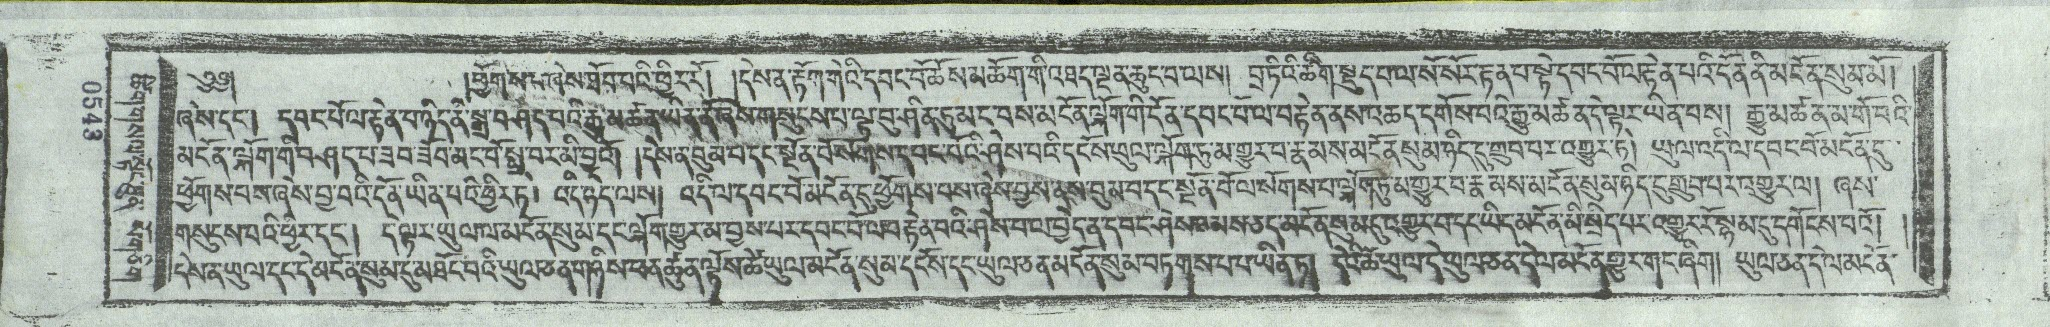༄༅། །ཕྱོགས་པ་ཞེས་ཐོབ་པའི་ཕྱིར་རོ། །དེས་ན་རྟོག་གེའི་དབང་པོ་ཆོས་མཆོག་གི་འཐད་ལྡན་ཆུང་བ་ལས། པྲ་ཏིའི་ཚིག་སྡུད་པ་ལ་སོ་སོར་རྟེན་པ་སྟེ་དབང་པོ་ལ་རྟེན་པའི་དོན་ནི་མངོན་སུམ་མོ།
ཞེས་དང་། དབང་པོ་ལ་རྟེན་པ་ཉིད་ནི་སྒྲ་བཤད་པའི་རྒྱུ་མཚན་ཡིན་ནོ་ཞེས་གསུངས་པ་ལྟ་བུ་ཤིན་ཏུ་མང་བས་མངོན་ལྐོག་གི་དོན་དབང་པོ་ལ་བརྟེན་ནས་འཆད་དགོས་པའི་རྒྱུ་མཚན་དེ་ལྟར་ཡིན་པས། རྒྱུ་མཚན་མ་གོ་བའི་
མངོན་ལྐོག་གི་བཤད་པ་ཟབ་ཟོབ་མང་པོ་སྨྲ་བར་མི་བྱའོ། །དེས་ན་བུམ་པ་དང་སྔོན་པོ་སོགས་དབང་པོའི་ཤེས་པའི་དངོས་ཡུལ་ལྐོག་ཏུ་མ་གྱུར་པ་རྣམས་མངོན་སུམ་ཉིད་དུ་གྲུབ་པར་འགྱུར་ཏེ། ཡུལ་འདི་ལ་དབང་པོ་མངོན་དུ་
ཕྱོགས་པས་ཞེས་བྱ་བའི་དོན་ཡིན་པའི་ཕྱིར་ཏེ། འདི་ཉིད་ལས། འདི་ལ་དབང་པོ་མངོན་དུ་ཕྱོགས་པས་ཞེས་བྱས་ནས་བུམ་པ་དང་སྔོན་པོ་ལ་སོགས་པ་ལྐོག་ཏུ་མ་གྱུར་བ་རྣམས་མངོན་སུམ་ཉིད་དུ་གྲུབ་པར་འགྱུར་ལ། ཞེས་
གསུངས་པའི་ཕྱིར་དང་། དེ་ལྟར་ཡུལ་ལ་མངོན་སུམ་དང་ལྐོག་གྱུར་མ་བྱས་པར་དབང་པོ་ལ་བརྟེན་པའི་ཤེས་པ་ལ་བྱེད་ན་དབང་ཤེས་ཐམས་ཅད་མངོན་སུམ་དུ་འགྱུར་བ་དང་ཡིད་མངོན་མི་སྲིད་པར་འགྱུར་རོ་སྙམ་དུ་དགོངས་པའོ། །
དེས་ན་ཡུལ་དང་དེ་མངོན་སུམ་དུ་མཐོང་བའི་ཡུལ་ཅན་གཉིས་ཕན་ཚུན་ལྟོས་ཚེ་ཡུལ་མངོན་སུམ་དངོས་དང་ཡུལ་ཅན་མངོན་སུམ་བཏགས་པ་པ་ཡིན་ཏེ། དེའི་ཚེ་ཡུལ་དེ་ཡུལ་ཅན་དེ་ལ་མངོན་གྱུར་གང་ཞིག། ཡུལ་ཅན་དེ་ལ་མངོན་